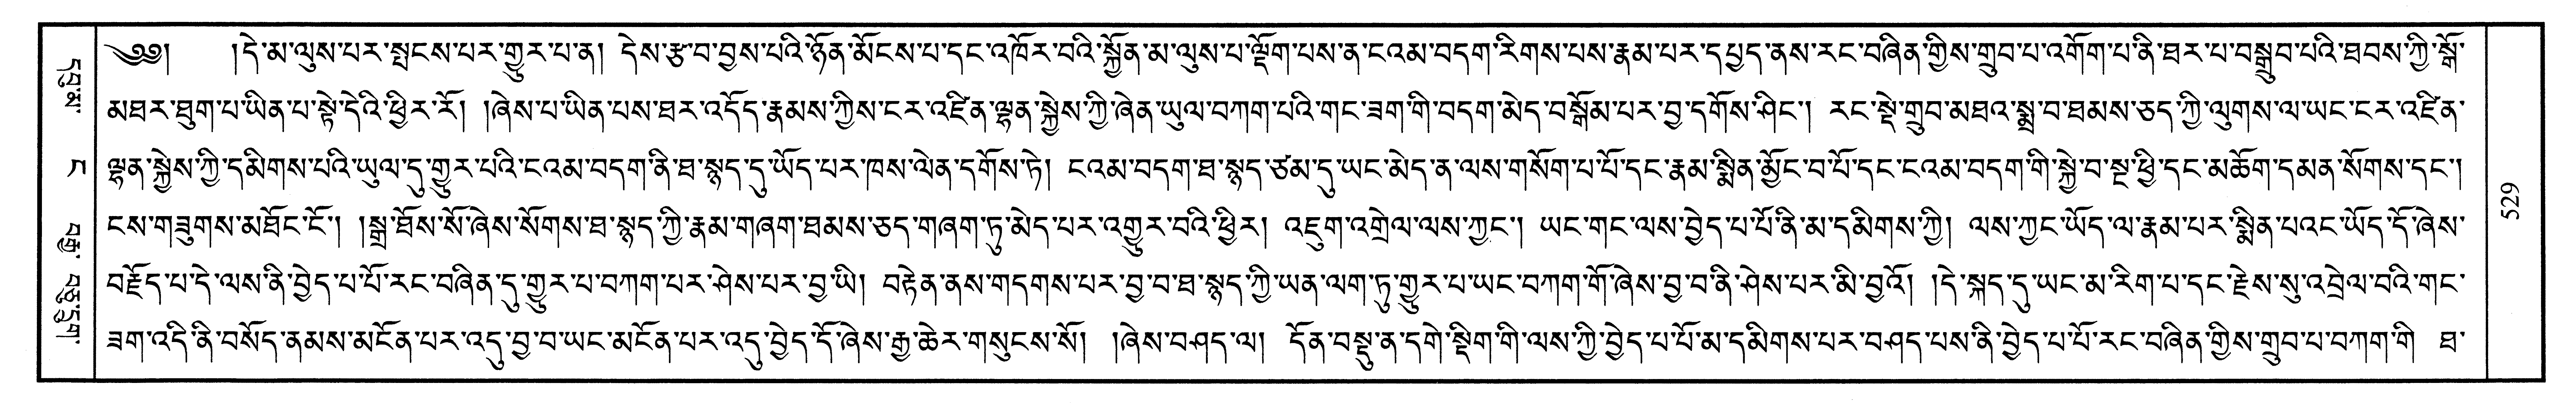༄༅། །དེ་མ་ལུས་པར་སྤངས་པར་གྱུར་པ་ན། དེས་རྩ་བ་བྱས་པའི་ཉོན་མོངས་པ་དང་འཁོར་བའི་སྐྱོན་མ་ལུས་པ་ལྡོག་པས་ན་ངའམ་བདག་རིགས་པས་རྣམ་པར་དཔྱད་ནས་རང་བཞིན་གྱིས་གྲུབ་པ་འགོག་པ་ནི་ཐར་པ་བསྒྲུབ་པའི་ཐབས་ཀྱི་སྒོ་
མཐར་ཐུག་པ་ཡིན་པ་སྟེ་དེའི་ཕྱིར་རོ། །ཞེས་པ་ཡིན་པས་ཐར་འདོད་རྣམས་ཀྱིས་ངར་འཛིན་ལྷན་སྐྱེས་ཀྱི་ཞེན་ཡུལ་བཀག་པའི་གང་ཟག་གི་བདག་མེད་བསྒོམ་པར་བྱ་དགོས་ཤིང་། རང་སྡེ་གྲུབ་མཐའ་སྨྲ་བ་ཐམས་ཅད་ཀྱི་ལུགས་ལ་ཡང་ངར་འཛིན་
ལྷན་སྐྱེས་ཀྱི་དམིགས་པའི་ཡུལ་དུ་གྱུར་པའི་ངའམ་བདག་ནི་ཐ་སྙད་དུ་ཡོད་པར་ཁས་ལེན་དགོས་ཏེ། ངའམ་བདག་ཐ་སྙད་ཙམ་དུ་ཡང་མེད་ན་ལས་གསོག་པ་པོ་དང་རྣམ་སྨིན་མྱོང་བ་པོ་དང་ངའམ་བདག་གི་སྐྱེ་བ་སྔ་ཕྱི་དང་མཆོག་དམན་སོགས་དང་།
ངས་གཟུགས་མཐོང་ངོ། །སྒྲ་ཐོས་སོ་ཞེས་སོགས་ཐ་སྙད་ཀྱི་རྣམ་གཞག་ཐམས་ཅད་གཞག་ཏུ་མེད་པར་འགྱུར་བའི་ཕྱིར། འཇུག་འགྲེལ་ལས་ཀྱང་། ཡང་གང་ལས་བྱེད་པ་པོ་ནི་མ་དམིགས་ཀྱི། ལས་ཀྱང་ཡོད་ལ་རྣམ་པར་སྨིན་པའང་ཡོད་དོ་ཞེས་
བརྗོད་པ་དེ་ལས་ནི་བྱེད་པ་པོ་རང་བཞིན་དུ་གྱུར་པ་བཀག་པར་ཤེས་པར་བྱ་ཡི། བརྟེན་ནས་གདགས་པར་བྱ་བ་ཐ་སྙད་ཀྱི་ཡན་ལག་ཏུ་གྱུར་པ་ཡང་བཀག་གོ་ཞེས་བྱ་བ་ནི་ཤེས་པར་མི་བྱའོ། །དེ་སྐད་དུ་ཡང་མ་རིག་པ་དང་རྗེས་སུ་འབྲེལ་བའི་གང་
ཟག་འདི་ནི་བསོད་ནམས་མངོན་པར་འདུ་བྱ་བ་ཡང་མངོན་པར་འདུ་བྱེད་དོ་ཞེས་རྒྱ་ཆེར་གསུངས་སོ། །ཞེས་བཤད་ལ། དོན་བསྡུ་ན་དགེ་སྡིག་གི་ལས་ཀྱི་བྱེད་པ་པོ་མ་དམིགས་པར་བཤད་པས་ནི་བྱེད་པ་པོ་རང་བཞིན་གྱིས་གྲུབ་པ་བཀག་གི་ཐ་